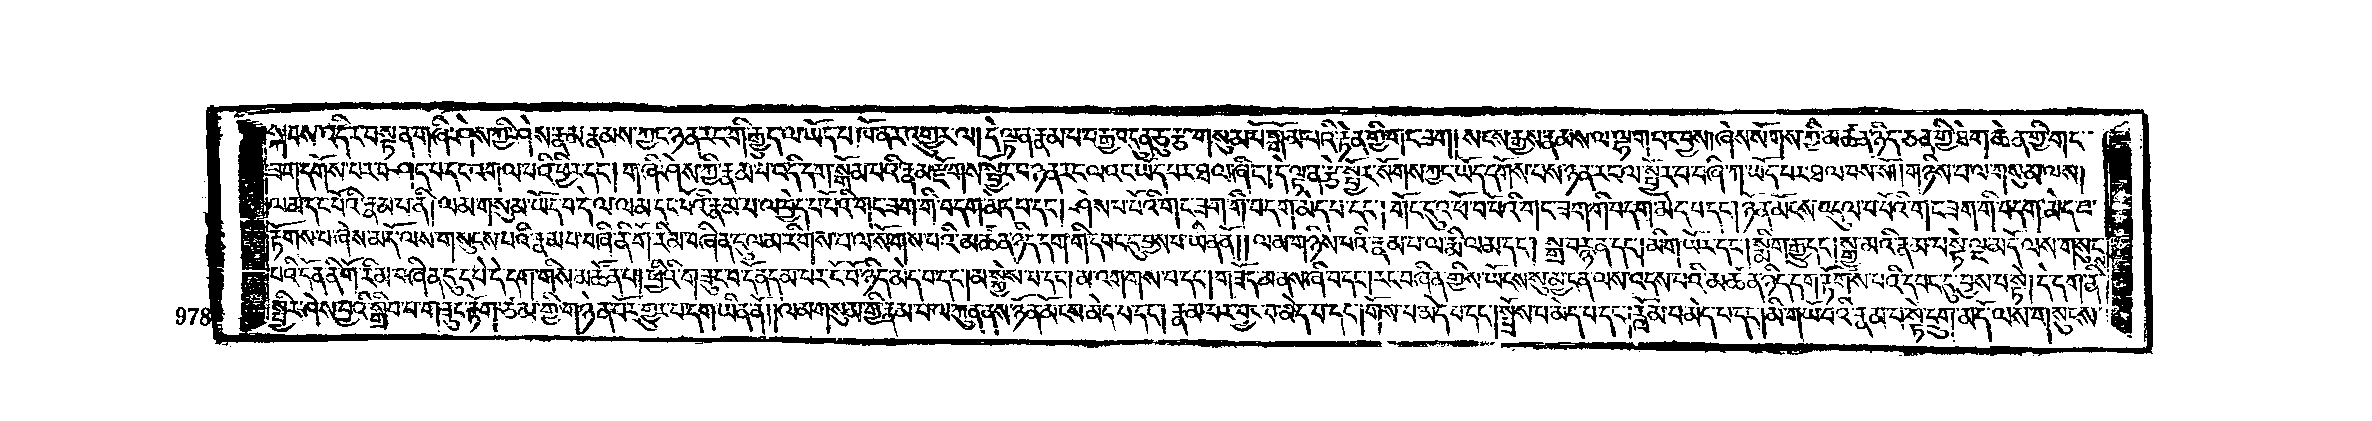སྐབས་འདིར་བསྟན་གཞི་ཤེས་ཀྱི་ཤེས་རྣམ་རྣམས་ཀྱང་ཉན་རང་གི་རྒྱུད་ལ་ཡོད་པ་ཁོ་ནར་འགྱུར་ལ། དེ་ལྟ་ན་རྣམ་པ་བརྒྱ་བདུན་ཅུ་རྩ་གསུམ་པོ་སྒོམ་པའི་རྟེན་གྱི་གང་ཟག། སངས་རྒྱས་རྣམས་ལ་ལྷག་པར་བྱས། ཞེས་སོགས་ཀྱི་མཚན་ཉིད་ཅན་གྱི་ཐེག་ཆེན་གྱི་གང་
ཟག་དགོས་པར་བཤད་པ་དང་འགལ་པའི་ཕྱིར་དང་། གཞི་ཤེས་ཀྱི་རྣམ་པ་འདི་དག་སྒོམ་པའི་རྣམ་རྫོགས་སྦྱོར་བ་ཉན་རང་ལའང་ཡོད་པར་ཐལ་ཞིང་། དེ་ལྟ་ན་རྩེ་སྦྱོར་སོགས་ཀྱང་ཡོད་དགོས་པས་ཉན་རང་ལ་སྦྱོར་པ་བཞི་ཀ་ཡོད་པར་ཐལ་བས་སོ། །གཉིས་པ་ལ་གསུམ་ལས།
ལམ་དང་པོའི་རྣམ་པ་ནི། ལམ་གསུམ་ཡོད་པ་དེ་ལ་ལམ་དང་པོའི་རྣམ་པ་ལ་བྱེད་པ་པོའི་རྣམ་པ་ལ་བྱེད་པ་པོའི་གང་ཟག་གི་བདག་མེད་པ་དང་། ཤེས་པ་པོའོ་གང་ཟག་གི་བདག་མེད་པ་དང་། གོང་དུ་འཕོ་བ་པོའི་གང་ཟག་གི་བདག་མེད་པ་དང་། ཉོན་མོངས་འདུལ་བ་པོའི་གང་ཟག་གི་བདག་མེད་པ་
རྟོགས་པ་ཞེས་མདོ་ལས་གསུངས་པའི་རྣམ་པ་བཞི་ནི་གོ་རིམ་བཞིན་དུ་ལམ་རིགས་པ་ལ་སོགས་པའི་མཚན་ཉིད་དག་གི་དབང་དུ་བྱས་པ་ཡིན་ནོ། །ལམ་གཉིས་པའི་རྣམ་པ་ལ་རྨི་ལམ་དང་། སྒྲ་བརྙན་དང་། མིག་ཡོར་དང་། སྨིག་རྒྱུ་དང་། སྒྱུ་མའི་རྣམ་པ་སྟེ་ལྔ་མདོ་ལས་གསུངས་
པའི་དོན་ནི་གོ་རིམ་བཞིན་དུ་དཔེ་དེ་དག་གིས་མཚོན་པ། ཕྱིའི་གཟུང་བ་དོན་དམ་པར་ངོ་བོ་ཉིད་མེད་པ་དང་། མ་སྐྱེས་པ་དང་། མ་འགགས་པ་དང་། གཟོད་མ་ནས་ཞི་བ་དང་། རང་བཞིན་གྱིས་ཡོངས་སུ་མྱ་ངན་ལས་འདས་པའི་མཚན་ཉིད་དག་རྟོགས་པའི་དབང་དུ་བྱས་པ་སྟེ། དེ་དག་ནི་
སྤྱིར་ཤེས་བྱའི་སྒྲིབ་པ་གཟུང་རྟོག་ཙམ་གྱི་གཉེན་པོར་གྱུར་པ་དག་ཡིན་ནོ། །ལམ་གསུམ་གྱི་རྣམ་པ་ལ་ཀུན་ནས་ཉོན་མོངས་མེད་པ་དང་། རྣམ་པར་བྱང་བ་མེད་པ་དང་། གོས་པ་མེད་པ་དང་། སྤྲོས་པ་མེད་པ་དང་། རློམ་པ་མེད་པ་དང་མི་གྱོ་བའི་རྣམ་པ་སྟེ་དྲུག་མདོ་ལས་གསུངས་